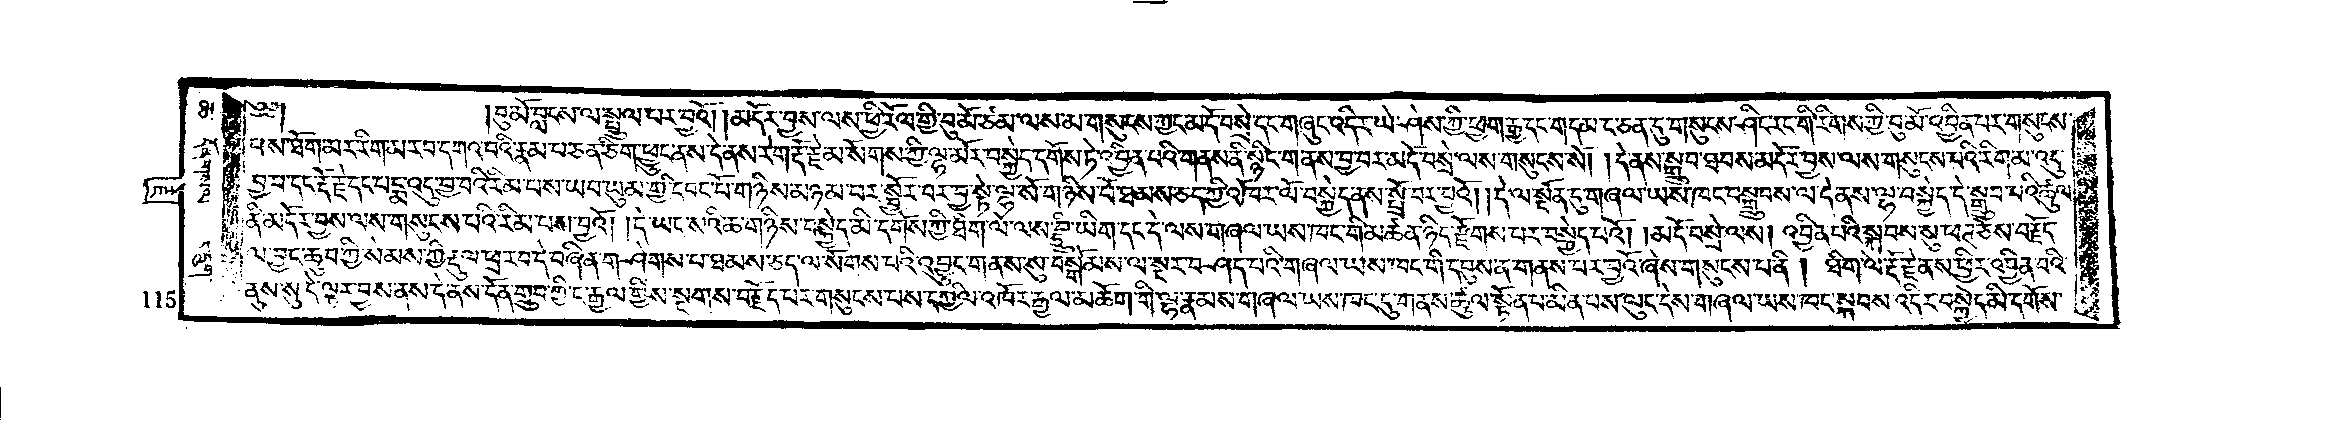༄༅། །བུ་མོ་བླངས་ལ་སྤྲུལ་པར་བྱའོ། །མདོར་བྱས་ལས་ཕྱི་རོལ་གྱི་བུ་མོ་ཙམ་ལས་མ་གསུངས་ཀྱང་མདོ་བསྲེ་དང་གཞུང་འདིར་ཡེ་ཤེས་ཀྱི་ཕྱག་རྒྱ་དང་གདམ་ང་ཅན་དུ་གསུངས་ཤིང་རང་གི་རིགས་ཀྱི་བུ་མོ་འབྱིན་པར་གསུངས་
པས་ཐོག་མར་རིག་མ་རབ་དགའ་བའི་རྣམ་པ་ཅན་ཅིག་ཕྱུང་ནས་དེ་ནས་རེག་རྡོ་རྗེ་མ་སོགས་ཀྱི་ལྷ་མིར་བསྐྱེད་དགོས་ཏེ་འབྱིན་པའི་གནས་ནི་སྙིང་ག་ནས་བྱ་བར་མདོ་བསྲེ་ལས་གསུངས་སོ། །དེ་ནས་སྒྲུབ་ཐབས་མདོར་བྱས་ལས་གསུངས་པའི་རིག་མ་འདུ་
བྱ་བ་དང་རྡོ་རྗེ་དང་པདམ་འདུ་བྱ་བའི་རིམ་པས་ཡབ་ཡུམ་གྱི་དབང་པོ་གཉིས་མཉམ་པར་སྦྱོར་བར་བྱ་སྟེ་ལྷ་སོ་གཉིས་པོ་ཐམས་ཅད་ཀྱི་འཁོར་ལོ་བསྐྱེད་ནས་སྤྲོ་བར་བྱའོ། །དེ་ལ་སྔོན་དུ་གཞལ་ཡས་ཁང་བསྒྲུབས་ལ་དེ་ནས་ལྷ་བསྐྱེད་དེ་སྒྲུབ་པའི་ཚུལ་
ནི་མདོར་བྱས་ལས་གསུངས་པའི་རིམ་པས་བྱའོ། །དེ་ཡང་སའི་ཆ་གཉིས་བསྐྱེད་མི་དགོས་ཀྱི་ཐིག་ལེ་ལས་བྷཱུཾ་ཡིག་དང་དེ་ལས་གཞལ་ཡས་ཁང་གི་མཚན་ཉིད་རྫོགས་པར་བསྐྱེད་པའོ། །མདོ་བསྲེ་ལས། འབྱིན་པའི་སྐབས་སུ་ཕཊ་ཅེས་བརྗོད་
ལ་བྱང་ཆུབ་ཀྱི་སེམས་ཀྱི་རྡུལ་ཕྲ་རབ་དེ་བཞིན་གཤེགས་པ་ཐམས་ཅད་ལ་སོགས་པའི་འབྱུང་གནས་སུ་བསྒོམས་ལ་སྔར་བཤད་པའི་གཞལ་ཡས་ཁང་གི་དབུས་ན་གནས་པར་བྱའོ་ཞེས་གསུངས་པ་ནི། ཐིག་ལེ་རྡོ་རྗེ་ནས་ཕྱིར་འབྱིན་བའི་
དུས་སུ་དེ་ལྟར་བྱས་ནས་དེ་ནས་དོན་གྲུབ་ཀྱི་ང་རྒྱལ་གྱིས་སྔགས་བརྗོད་པར་གསུངས་པས་དཀྱིལ་འཁོར་རྒྱལ་མཆོག་གི་ལྷ་རྣམས་གཞལ་ཡས་ཁང་དུ་གནས་ཚུལ་སྟོན་པ་མིན་པས་ལུང་དེས་གཞལ་ཡས་ཁང་སྐབས་འདིར་བསྐྱེད་མི་དགོས་